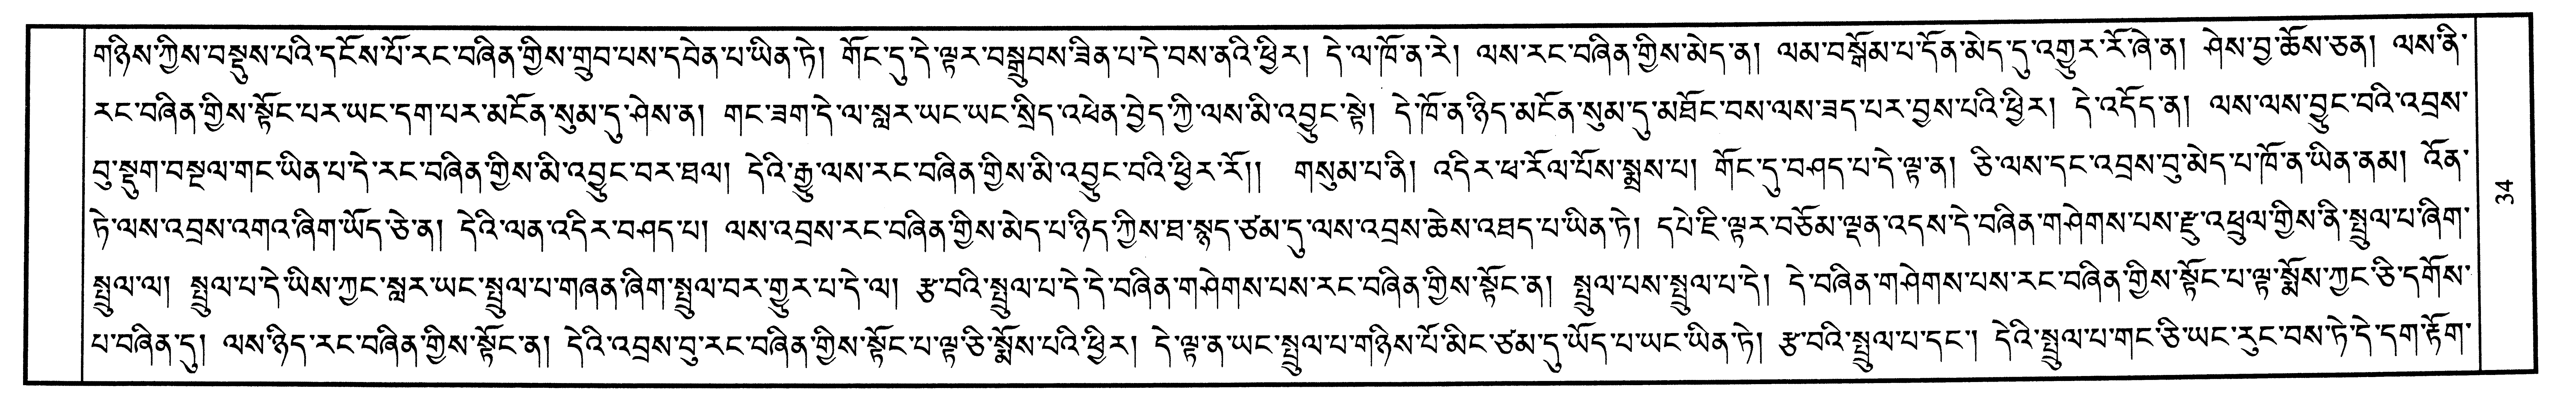གཉིས་ཀྱིས་བསྡུས་པའི་དངོས་པོ་རང་བཞིན་གྱིས་གྲུབ་པས་དབེན་པ་ཡིན་ཏེ། གོང་དུ་དེ་ལྟར་བསྒྲུབས་ཟིན་པ་དེ་བས་ནའི་ཕྱིར། དེ་ལ་ཁོ་ན་རེ། ལས་རང་བཞིན་གྱིས་མེད་ན། ལམ་བསྒོམ་པ་དོན་མེད་དུ་འགྱུར་རོ་ཞེ་ན། ཤེས་བྱ་ཆོས་ཅན། ལས་ནི་
རང་བཞིན་གྱིས་སྟོང་པར་ཡང་དག་པར་མངོན་སུམ་དུ་ཤེས་ན། གང་ཟག་དེ་ལ་སླར་ཡང་ཡང་སྲིད་འཕེན་བྱེད་ཀྱི་ལས་མི་འབྱུང་སྟེ། དེ་ཁོ་ན་ཉིད་མངོན་སུམ་དུ་མཐོང་བས་ལས་ཟད་པར་བྱས་པའི་ཕྱིར། དེ་འདོད་ན། ལས་ལས་བྱུང་བའི་འབྲས་
བུ་སྡུག་བསྔལ་གང་ཡིན་པ་དེ་རང་བཞིན་གྱིས་མི་འབྱུང་བར་ཐལ། དེའི་རྒྱུ་ལས་རང་བཞིན་གྱིས་མི་འབྱུང་བའི་ཕྱིར་རོ།། གསུམ་པ་ནི། འདིར་ཕ་རོལ་པོས་སྨྲས་པ། གོང་དུ་བཤད་པ་དེ་ལྟ་ན། ཅི་ལས་དང་འབྲས་བུ་མེད་པ་ཁོ་ན་ཡིན་ནམ། འོན་
ཏེ་ལས་འབྲས་འགའ་ཞིག་ཡོད་ཅེ་ན། དེའི་ལན་འདིར་བཤད་པ། ལས་འབྲས་རང་བཞིན་གྱིས་མེད་པ་ཉིད་ཀྱིས་ཐ་སྙད་ཙམ་དུ་ལས་འབྲས་ཆེས་འཐད་པ་ཡིན་ཏེ། དཔེ་ཇི་ལྟར་བཅོམ་ལྡན་འདས་དེ་བཞིན་གཤེགས་པས་རྫུ་འཕྲུལ་གྱིས་ནི་སྤྲུལ་པ་ཞིག་
སྤྲུལ་ལ། སྤྲུལ་པ་དེ་ཡིས་ཀྱང་སླར་ཡང་སྤྲུལ་པ་གཞན་ཞིག་སྤྲུལ་བར་གྱུར་པ་དེ་ལ། རྩ་བའི་སྤྲུལ་པ་དེ་དེ་བཞིན་གཤེགས་པས་རང་བཞིན་གྱིས་སྟོང་ན། སྤྲུལ་པས་སྤྲུལ་པ་དེ། དེ་བཞིན་གཤེགས་པས་རང་བཞིན་གྱིས་སྟོང་པ་ལྟ་སྨོས་ཀྱང་ཅི་དགོས་
པ་བཞིན་དུ། ལས་ཉིད་རང་བཞིན་གྱིས་སྟོང་ན། དེའི་འབྲས་བུ་རང་བཞིན་གྱིས་སྟོང་པ་ལྟ་ཅི་སྨོས་པའི་ཕྱིར། དེ་ལྟ་ན་ཡང་སྤྲུལ་པ་གཉིས་པོ་མིང་ཙམ་དུ་ཡོད་པ་ཡང་ཡིན་ཏེ། རྩ་བའི་སྤྲུལ་པ་དང་། དེའི་སྤྲུལ་པ་གང་ཅི་ཡང་རུང་བས་ཏེ་དེ་དག་རྟོག་